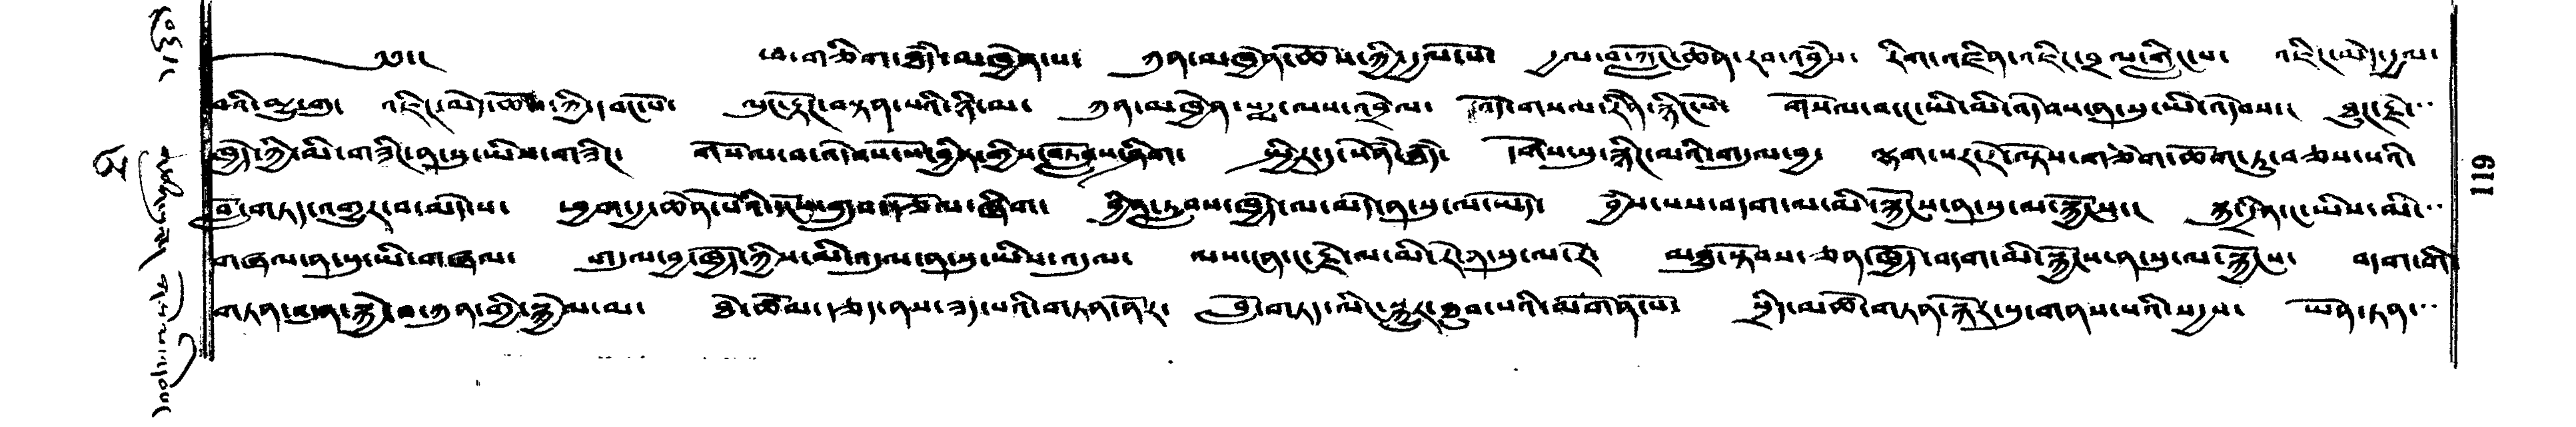ཕ་གཅིག་ཐམས་ཅད་མཁྱེན་པ། །ཀུན་མཁྱེན་ཆོས་ཀྱི་རྒྱལ་པོ། །རྒྱལ་བ་ཀློང་ཆེན་རབ་འབྱམས། །རིག་འཛིན་འཇིགས་བྲལ་གླིང་པ། །འཇིགས་མེད་རྒྱལ་
བའི་མྱུ་གུ །འཇིགས་མེད་ཆོས་ཀྱི་དབང་པོ། །ལུང་རྟོགས་བསྟན་པའི་ཉི་མ། །ཀུན་མཁྱེན་པདྨ་ལས་འབྲེལ། །འོད་གསལ་རིན་ཆེན་སྙིང་པོ། །གསོལ་བ་ང་ཡི་མི་འདེབས་ན་སུ་ཡི་འདེབས། །ཐུགས་རྗེ་
ཁྱོད་ཀྱི་མི་གཟིགས་ན་སུ་ཡིས་གཟིགས། །གསོལ་བ་འདེབས་སོ་བྱིན་གྱིས་རློབས་ཤིག །སྤྱིར་དུ་སེམས་ཅན་ཐམས་ཅད། །སྒོས་སུ་རྙིང་མའི་གདུལ་བྱ། །ལྷག་པར་རེ་ལྟོས་གཅིག་ཆོག་ཏུ་བཅས་པའི་
བློ་གཏད་འགྱུར་བ་མེད་པ། །ཕྱག་རྒྱ་ཆེན་པོའི་དངོས་གྲུབ་སྩོལ་ཞིག །བྱིན་རླབས་ཁྱེད་ལ་མེད་ན་སུ་ལ་ཡོད། །བྱམས་པས་བདག་ལ་མི་སྐྱོང་ན་སུ་ལ་སྐྱོང་། །སྐུ་དྲིན་ང་ཡིས་མི་
གཞལ་ན་སུ་ཡི་གཞལ། །གདུལ་བྱ་ཁྱོད་ཀྱིས་མི་འདུལ་ན་སུ་ཡིས་འདུལ། །ལས་ངན་ང་རྗེ་ལ་མི་རེ་ན་སུ་ལ་རེ། །མཐུ་སྟོབས་ཅན་ཁྱོད་བདག་མི་སྐྱོང་ན་སུ་ལ་སྐྱོང་། །བདག་གི་
གཏན་འདུན་སྐྱེ་བ་ཀུན་གྱི་སྐྱེལ་མ། །ཐེ་ཚོམ་རྩད་ནས་ཟད་པའི་གཏན་ནོར། །བློ་གཏད་ལིང་སྐྱུར་ཐུབ་པའི་མགོན་པོ། །སྲིད་མཚོ་གཏན་སྐེམ་དུ་ནུས་པའི་སངས་རྒྱས། །ཡོན་ཏན་